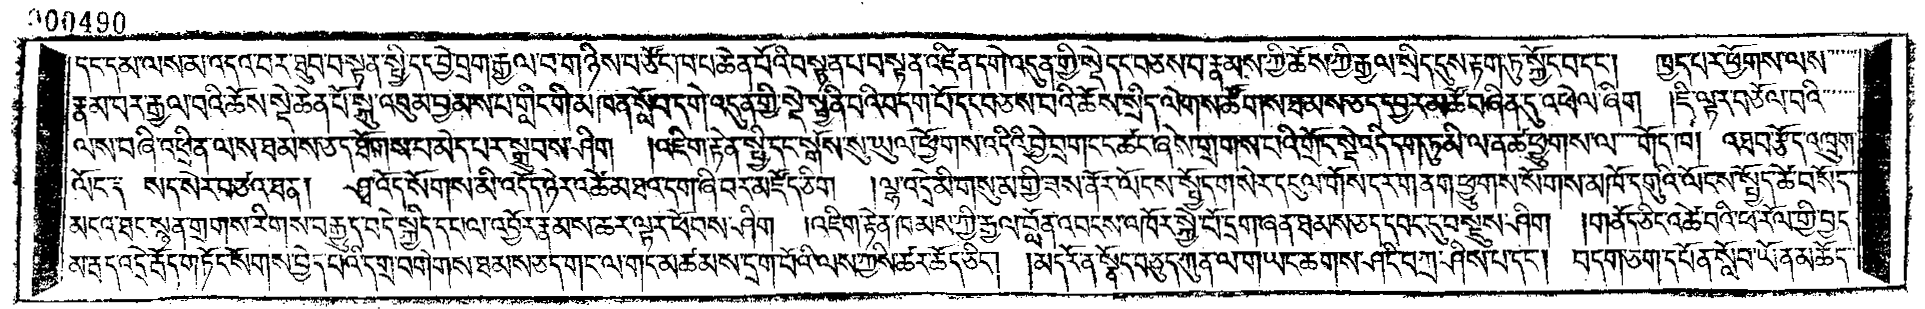དང་དམ་ལས་མ་འདའ་བར་ཐུབ་བསྟན་སྤྱི་དང་བྱེ་བྲག་རྒྱལ་བ་གཉིས་པ་ཙོང་ཁ་པ་ཆེན་པོའི་བསྟན་པ་བསྟན་འཛིན་དགེ་འདུན་གྱི་སྡེ་དང་བཅས་པ་རྣམས་ཀྱི་ཆོས་ཀྱི་རྒྱལ་སྲིད་དུས་རྟག་ཏུ་སྐྱོང་བ་དང་། ཁྱད་པར་ཕྱོགས་ལས་
རྣམ་པར་རྒྱལ་བའི་ཆོས་སྡེ་ཆེན་པོ་སྐུ་འབུམ་བྱམས་པ་གླིང་གི་མཁན་སློབ་དགེ་འདུན་གྱི་སྡེ་སྦྱིན་པའི་བདག་པོ་དང་བཅས་པའི་ཆོས་སྲིད་ལེགས་ཚོགས་ཐམས་ཅད་དབྱར་མཚོ་བཞིན་དུ་འཕེལ་ཞིག །ཇི་ལྟར་བཅོལ་བའི་
ལས་བཞི་འཕྲིན་ལས་ཐམས་ཅད་ཐོགས་པ་མེད་པར་སྒྲུབས་ཤིག །འཇིག་རྟེན་སྤྱི་དང་སྒོས་སུ་ཡུལ་ཕྱོགས་འདིའི་བྱེ་བྲག་ངང་ཚང་ཞེས་གྲགས་པའི་གྲོང་སྡེ་འདི་དག་ཏུ་མི་ལ་ན་ཚ་ཕྱུགས་ལ་གོད་ཁ། འཐབ་རྩོད་འཁྲུག་
ལོང༑ སད་སེར་བཙའ་ཐན། ཤྭ་འོད་སོགས་མི་འདོད་ཉེར་འཚེ་མཐའ་དག་ཞི་བར་མཛོད་ཅིག །ལྷ་འདྲེ་མི་གསུམ་གྱི་ཟས་ནོར་ལོངས་སྤྱོད་གསེར་དངུལ་གོས་དར་གནག་ཕྱུགས་སོགས་མཁོ་དགུའི་ལོངས་སྤྱོད་ཚེ་བསོད་
མངའ་ཐང་སྙན་གྲགས་རིགས་བརྒྱུད་བདེ་སྐྱིད་དཔལ་འབྱོར་རྣམས་ཆར་ལྟར་ཕོབས་ཤིག །འཇིག་རྟེན་ཁམས་ཀྱི་རྒྱལ་བློན་འབངས་འཁོར་སྐྱེ་པོ་དྲག་ཞན་ཐམས་ཅད་དབང་དུ་བསྡུས་ཤིག །གནོད་ཅིང་འཚེ་བའི་ཕ་རོལ་གྱི་བྱད་
མ་རྦད་འདྲེ་རྦོད་གཏོང་སོགས་བྱེད་པའི་དགྲ་བགེགས་ཐམས་ཅད་གང་ལ་གང་མཚམས་དྲག་པོའི་ལས་ཀྱིས་ཚར་ཆོད་ཅིང་། །མདོར་ན་སྣོད་བཅུད་ཀུན་ལ་གཡང་ཆགས་ཤིང་བཀྲ་ཤིས་པ་དང་། བདག་ཅག་དཔོན་སློབ་ཡོན་མཆོད་